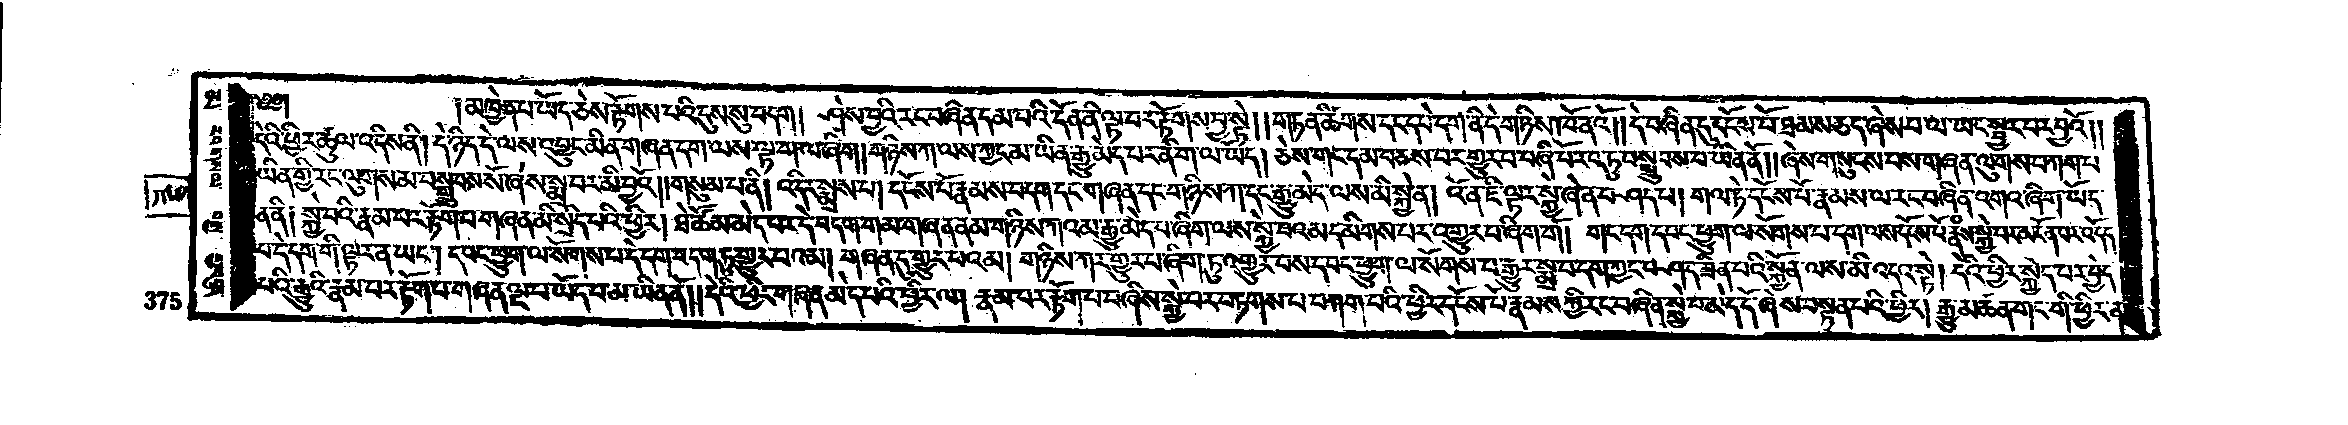༄༅། །མཁྱེན་པ་ཡོད་ཅེས་རྟོགས་པའི་དུས་སུ་བདག །ཤེས་བྱའི་རང་བཞིན་དམ་པའི་དོན་ནི་ལྟ་བར་རྟོགས་བྱ་སྟེ། །གཏན་ཚིགས་དང་དཔེ་དག་ནི་དེ་གཉིས་ཁོ་ནའོ། །དེ་བཞིན་དུ་དངོས་པོ་ཐམས་ཅད་ཞེས་པ་ལ་ཡང་སྦྱར་པར་བྱའོ། །
དེའི་ཕྱིར་ཚུལ་འདིས་ནི། དེ་ཉིད་དེ་ལས་འབྱུང་མིན་གཞན་དག་ལས་ལྟ་ག་ལ་ཞིག །གཉིས་ཀ་ལས་ཀྱང་མ་ཡིན་རྒྱུ་མེད་པར་ནི་ག་ལ་ཡོད། ཅེས་གང་དམ་བཅས་བར་གྱུར་པ་བཞི་པོ་རབ་ཏུ་བསྒྲུབས་པ་ཡིན་ནོ། །ཞེས་གསུངས་པས་གཞན་ལུགས་བཀག་པ་
ཡིན་གྱི་རང་ལུགས་མ་བསྒྲུབས་སོ་ཞེས་སྨྲ་བར་མི་བྱའོ། །གསུམ་པ་ནི། འདིར་སྨྲས་པ། དངོས་པོ་རྣམས་བདག་དང་གཞན་དང་གཉིས་ཀ་དང་རྒྱུ་མེད་ལས་མི་སྐྱེ་ན། འོ་ན་ཇི་ལྟར་སྐྱེ་ཞེ་ན་བཤད་པ། གལ་ཏེ་དངོས་པོ་རྣམས་ལ་རང་བཞིན་འགའ་ཞིག་ཡོད་
ན་ནི། སྐྱེ་བའི་རྣམ་པར་རྟོག་པ་གཞན་མི་སྲིད་པའི་ཕྱིར། ཐེ་ཚོམ་མེད་པར་དེ་བདག་གམ་གཞན་ནམ་གཉིས་ཀའམ་རྒྱུ་མེད་པ་ཞིག་ལས་སྐྱེ་བའམ་དམིགས་པར་འགྱུར་བ་ཞིག་གོ །གང་དག་དབང་ཕྱུག་ལ་སོགས་པ་དག་ལས་དངོས་པོ་རྣམས་སྐྱེ་བར་མངོན་པར་འདོད་
པ་དེ་དག་གི་ལྟར་ན་ཡང་། དབང་ཕྱུག་ལ་སོགས་པ་དེ་དག་བདག་ཏུ་གྱུར་པའམ། གཞན་དུ་གྱུར་པའམ། གཉིས་ཀར་གྱུར་པ་ཞིག་ཏུ་འགྱུར་བས་དབང་ཕྱུག་ལ་སོགས་པ་རྒྱུར་སྨྲ་བ་དག་ཀྱང་བཤད་ཟིན་པའི་སྐྱོན་ལས་མི་འདའ་སྟེ། དེའི་ཕྱིར་སྐྱེད་པར་བྱེད་
པའི་རྒྱུའི་རྣམ་པར་རྟོག་པ་གཞན་ལྔ་པ་ཡོད་པ་མ་ཡིན་ནོ། །དེའི་ཕྱིར་གཞན་མེད་པའི་ཕྱིར་ལ། རྣམ་པར་རྟོག་པ་བཞིས་སྐྱེ་བར་བཏགས་པ་བཀག་པའི་ཕྱིར་དངོས་པོ་རྣམས་ཀྱི་རང་བཞིན་སྐྱེ་བ་མེད་དོ་ཞེས་བསྟན་པའི་ཕྱིར། རྒྱུ་མཚན་གང་གི་ཕྱིར་ན་